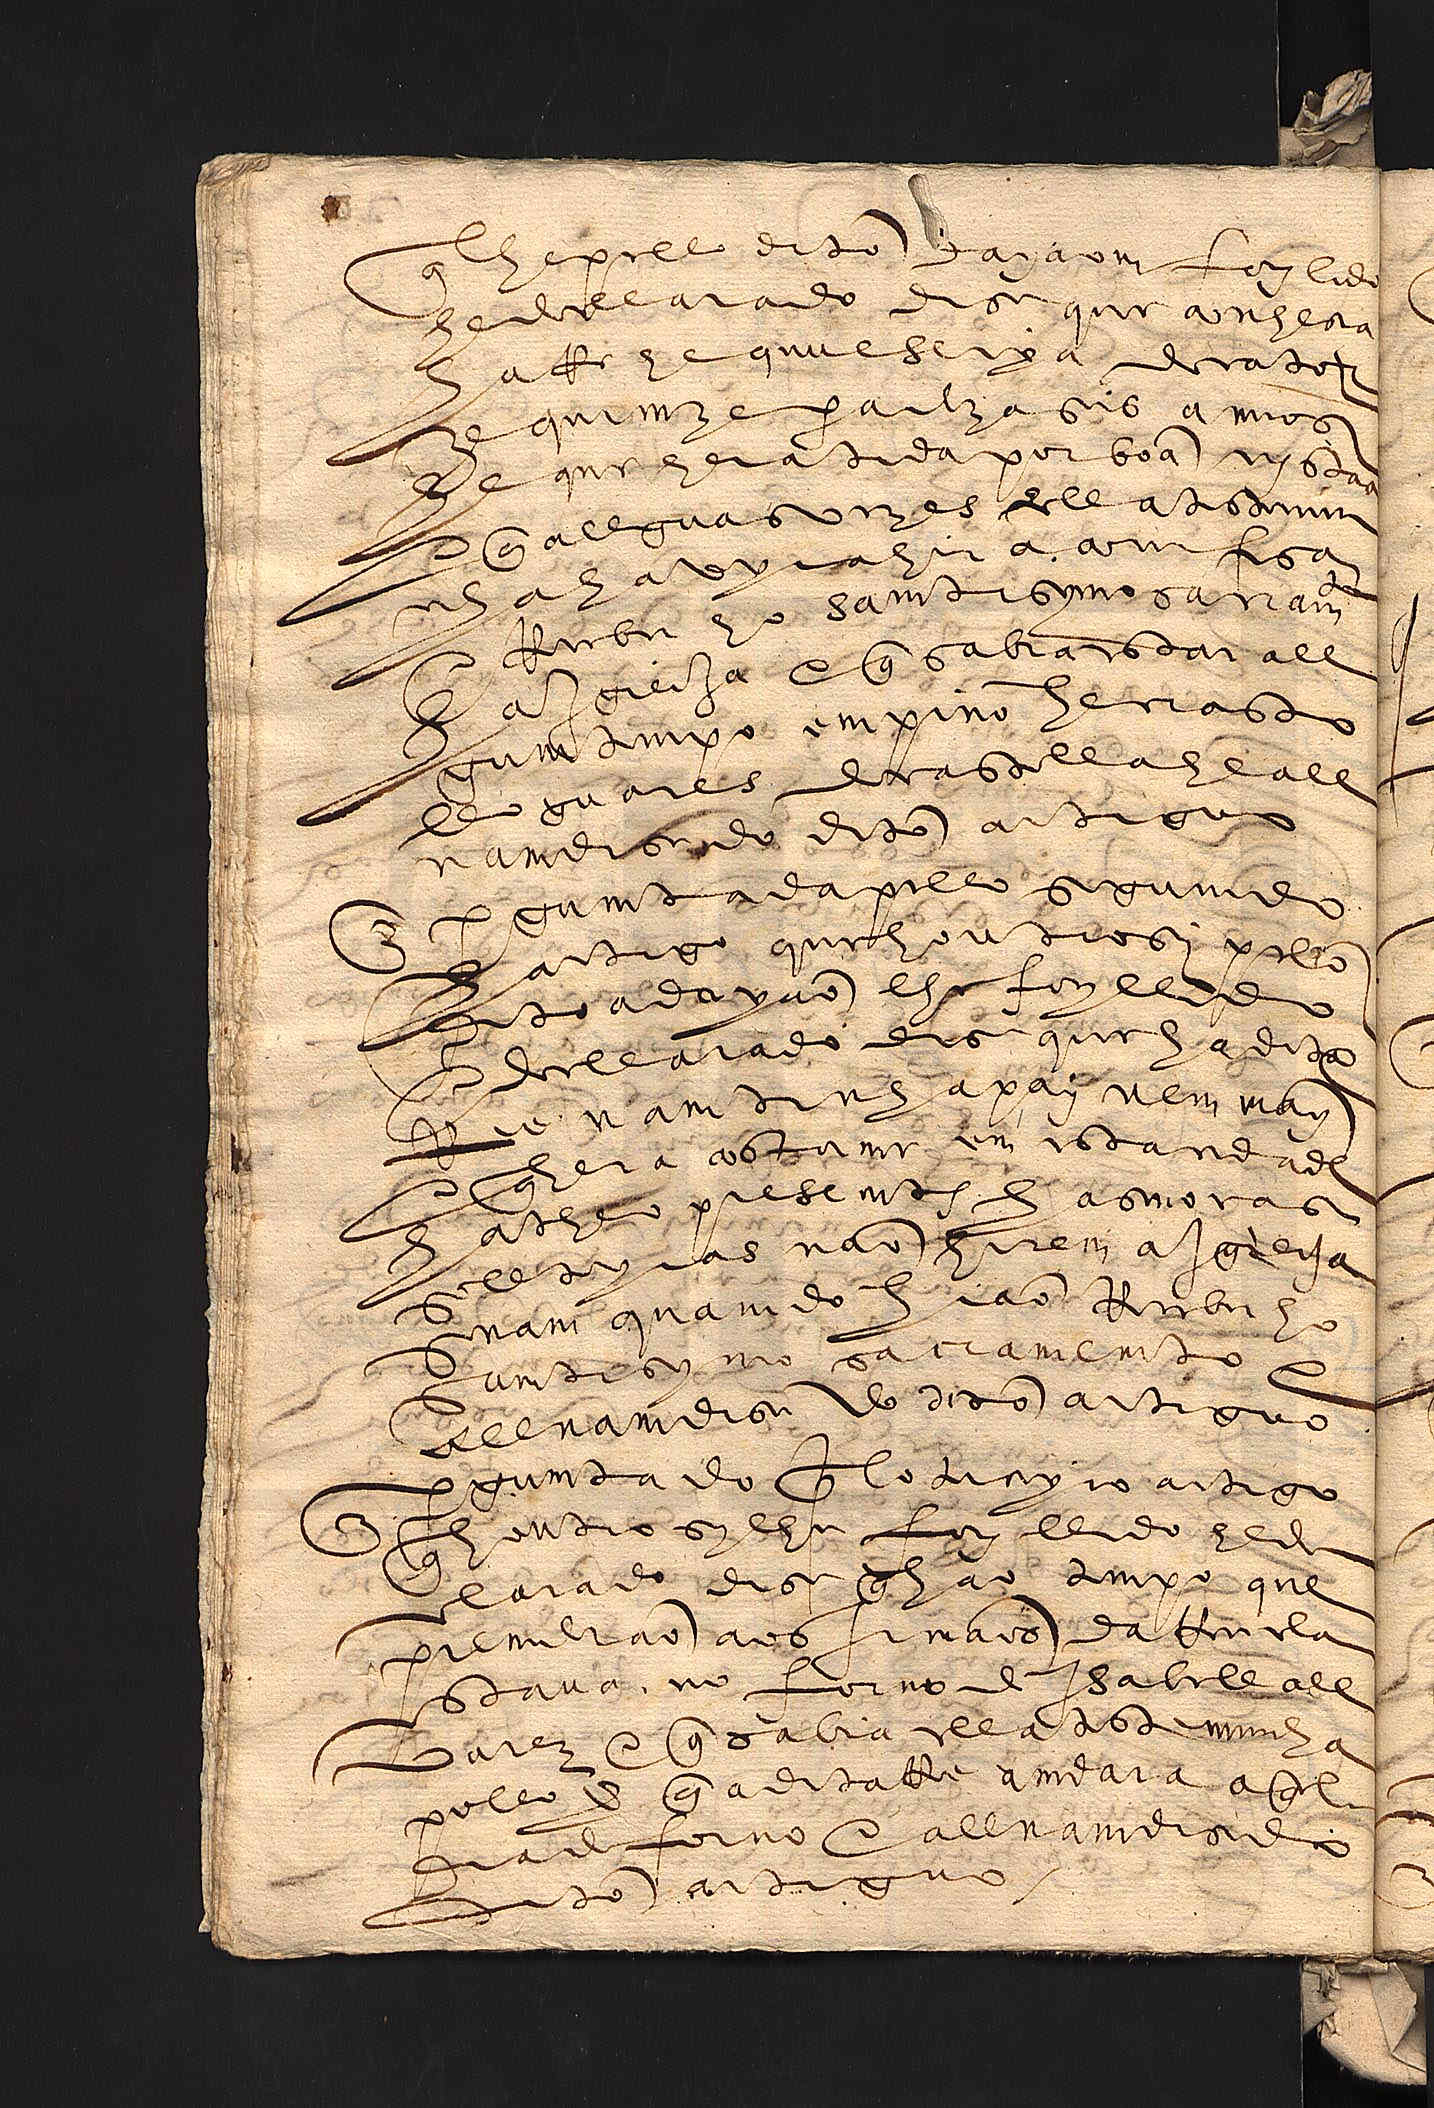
q̄ lhe pello dito dayaom foy lido
he decllarado dise que conhesia
ha Re he quue serya de cator
ze quimze ꝑa dezaseis annos
he que hera tida por boa crjstaa
e q̄ allguas vezes ella testemu
nha ha vyra hir a comfesar
e Receber ho samtisymo sacramto
ha JgreiJa e q̄ sabia estar all
gum tempo em pino he crasto
lloguares de castella he all
nam dise do dito artiguo
item ꝑgumtada pello segumdo
hartigo que houtrosy pelo
dito adayaõ lhe foy llido
e decllarado dise que ha dita
Ree nam tinha pay nem mãy
e q̄ hera costume em esta cidade
hathe o presemte has moças
sollteyras naõ hirem a JgreiJa
senam quamdo hiaõ Receber ho
samtisymo sacramemto e
all nam dise do dito artiguo
item ꝑgumtado pelo terceyro artigo
q̄ houtrosy lhe foy llido he de
clarado dise q̄ hao tempo que
premderaõ aos Jrmãos da Ree ela
estaua no forno de Jsabell all
varez e q̄ sabia ella testemunha
pollo ꝟ q̄ a dita Re amdara aq̄le
dia do forno e all nam dise do
dito artiguo /
